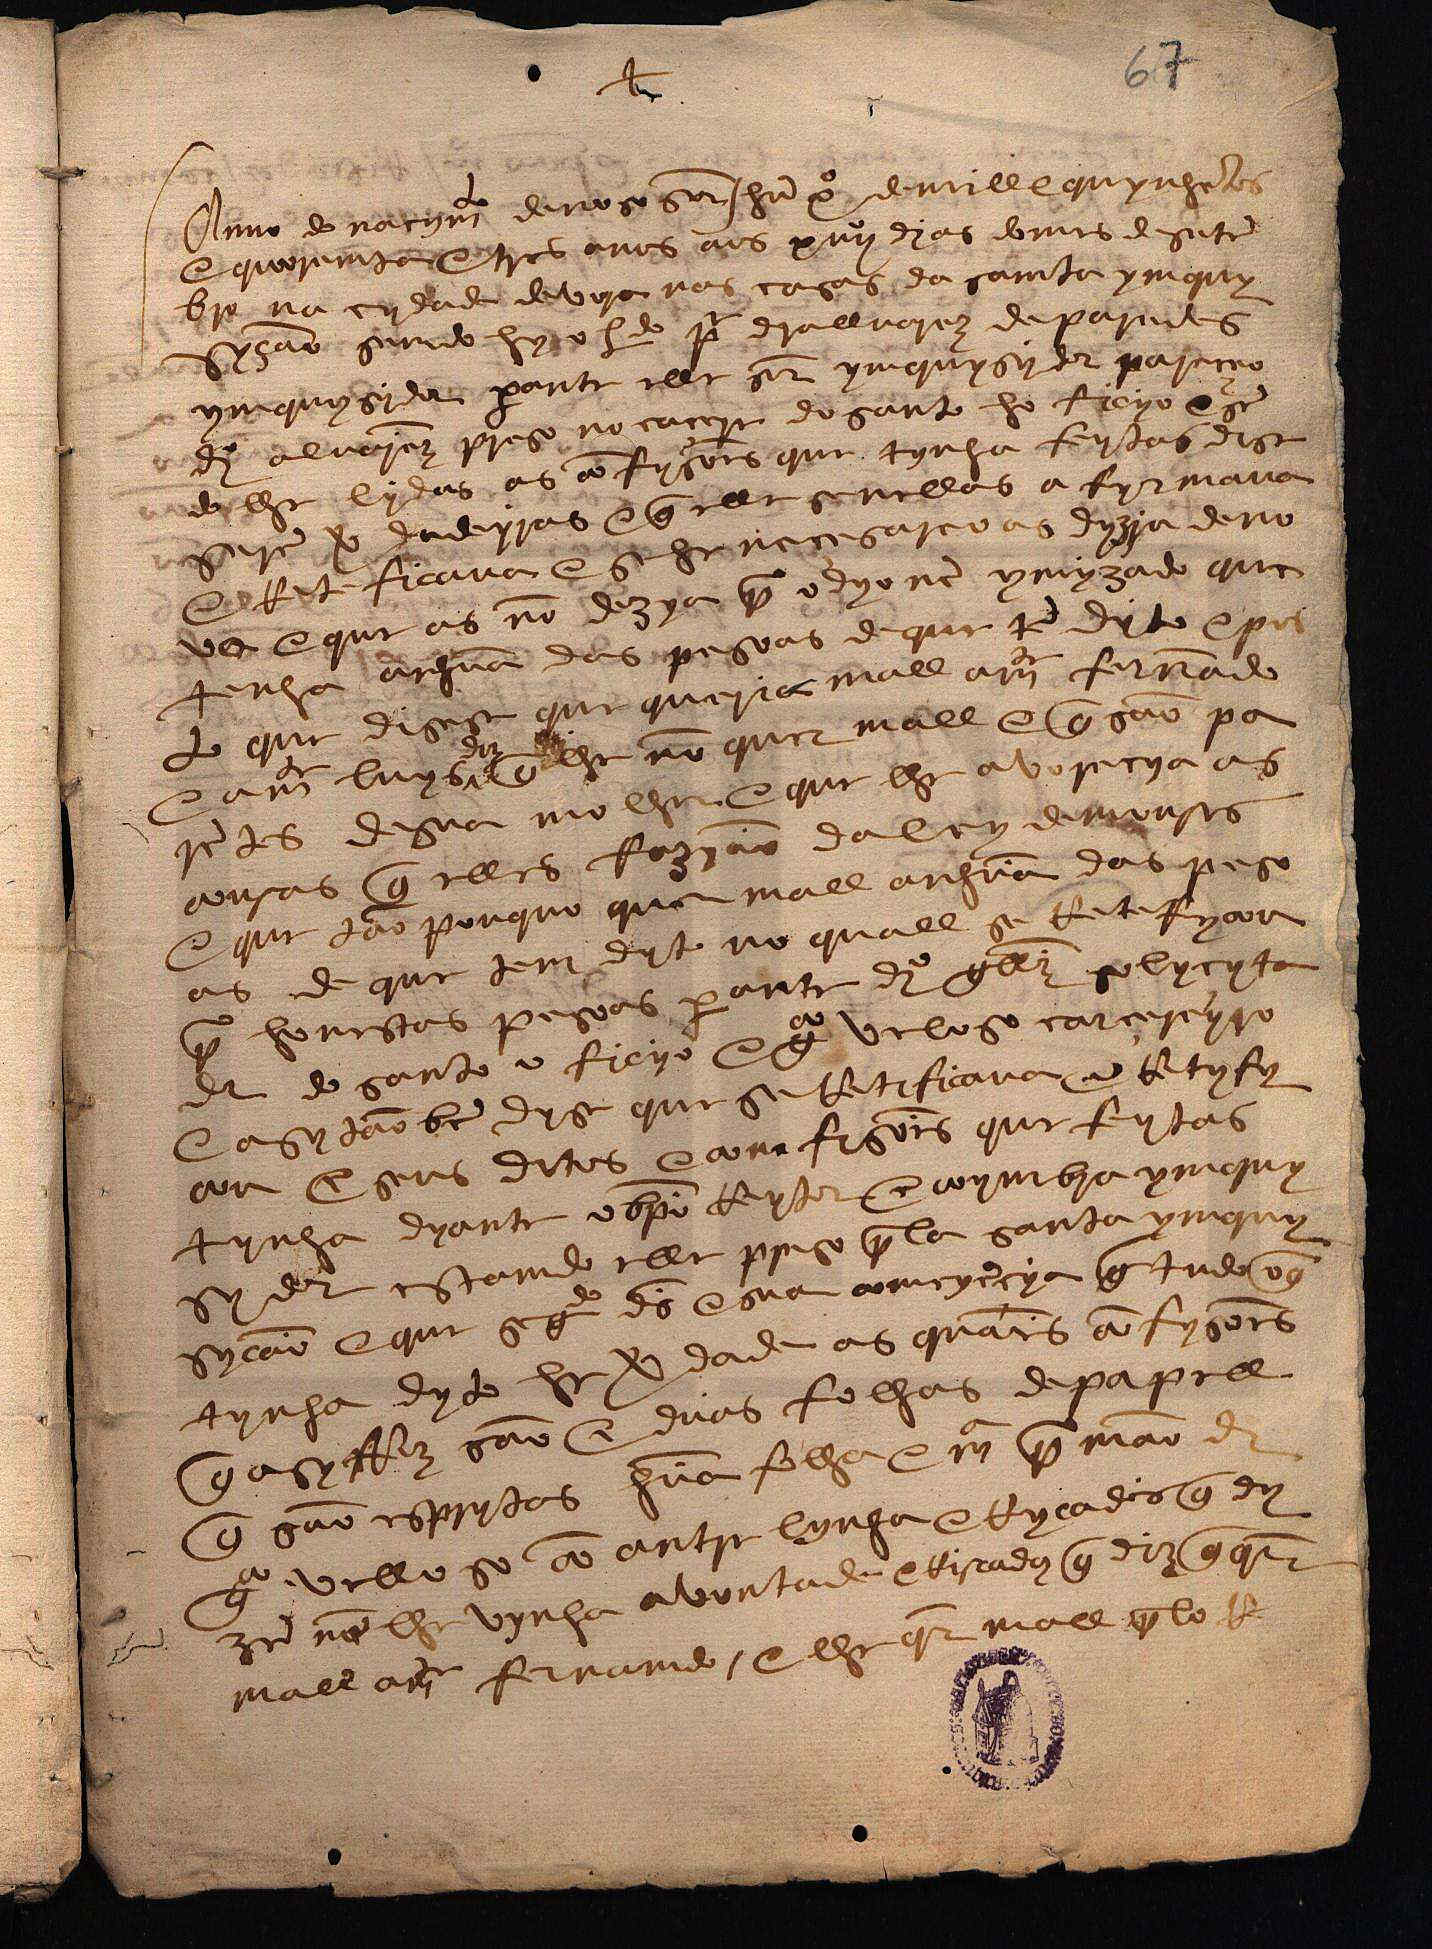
Anno do nacymto de noso s̄or Jhū xo de mill e quynhētos
e quoremta e tres anos aos xiiijo djas do mes de setē
bro na cydade devora nas casas da samta ymquy
syção semdo hy o Ldo pedralluarez de paredes
ymquysydor ꝑante elle s̄or ymquysydor pareçeo
djo aluarez preso no caçere do santo hoficyo e sē
do lhe lydas as c̄ofysões que tynha feytas dise
serē ꝟdadeyras e q̄ elle se nellas afyrmaua
e Reteficaua e se he neçesareo as dyzja de no
vo e que as n̄o dezya p̄o odyo nē ymyzado que
tenha a nhūa das pesoas de que tē dyto e pos
to que disese que queria mall a mte fern̄ado
e a mte luys
diz
q̄ lhe nō quer mall e q̄ são pa
rētes de sua molher e que lhe avorecya as
cousas q̄ elles fazyão da ley de mouses
e que tão pouquo quer mall a nhūa das peso
as de que tem dyto no quall se Retefycou
p̄o honestas pesoas ꝑante djo gl̄lz solyçyta
dor do santo oficyo e gco veloso carçereyro
e asy tãobē dyse que se Retificaua e Retyfy
cou ē seus ditos e comfisões que feytas
tynha dyante o b̄po Reytor ē coymbra ymquy
sydor estamdo elle preso p̄la santa ymquy
sycão e que segdo d̄s e sua comcyēçya q̄ tudo o q̄
tynha dyto he ꝟdade as quāes cōfysões
q̄ asy ffez são ē duas folhas de papell
q̄ são esprytas h̄ua folha e ma p̄o mão de
gco velloso cō antrelynha e Riscados q̄ dy
zē molher vynha a vontade e Riscadꝯ q̄ diz q̄ qr̄
mall a mte fernamdo / e lhe q̄r mall p̄lo Re
